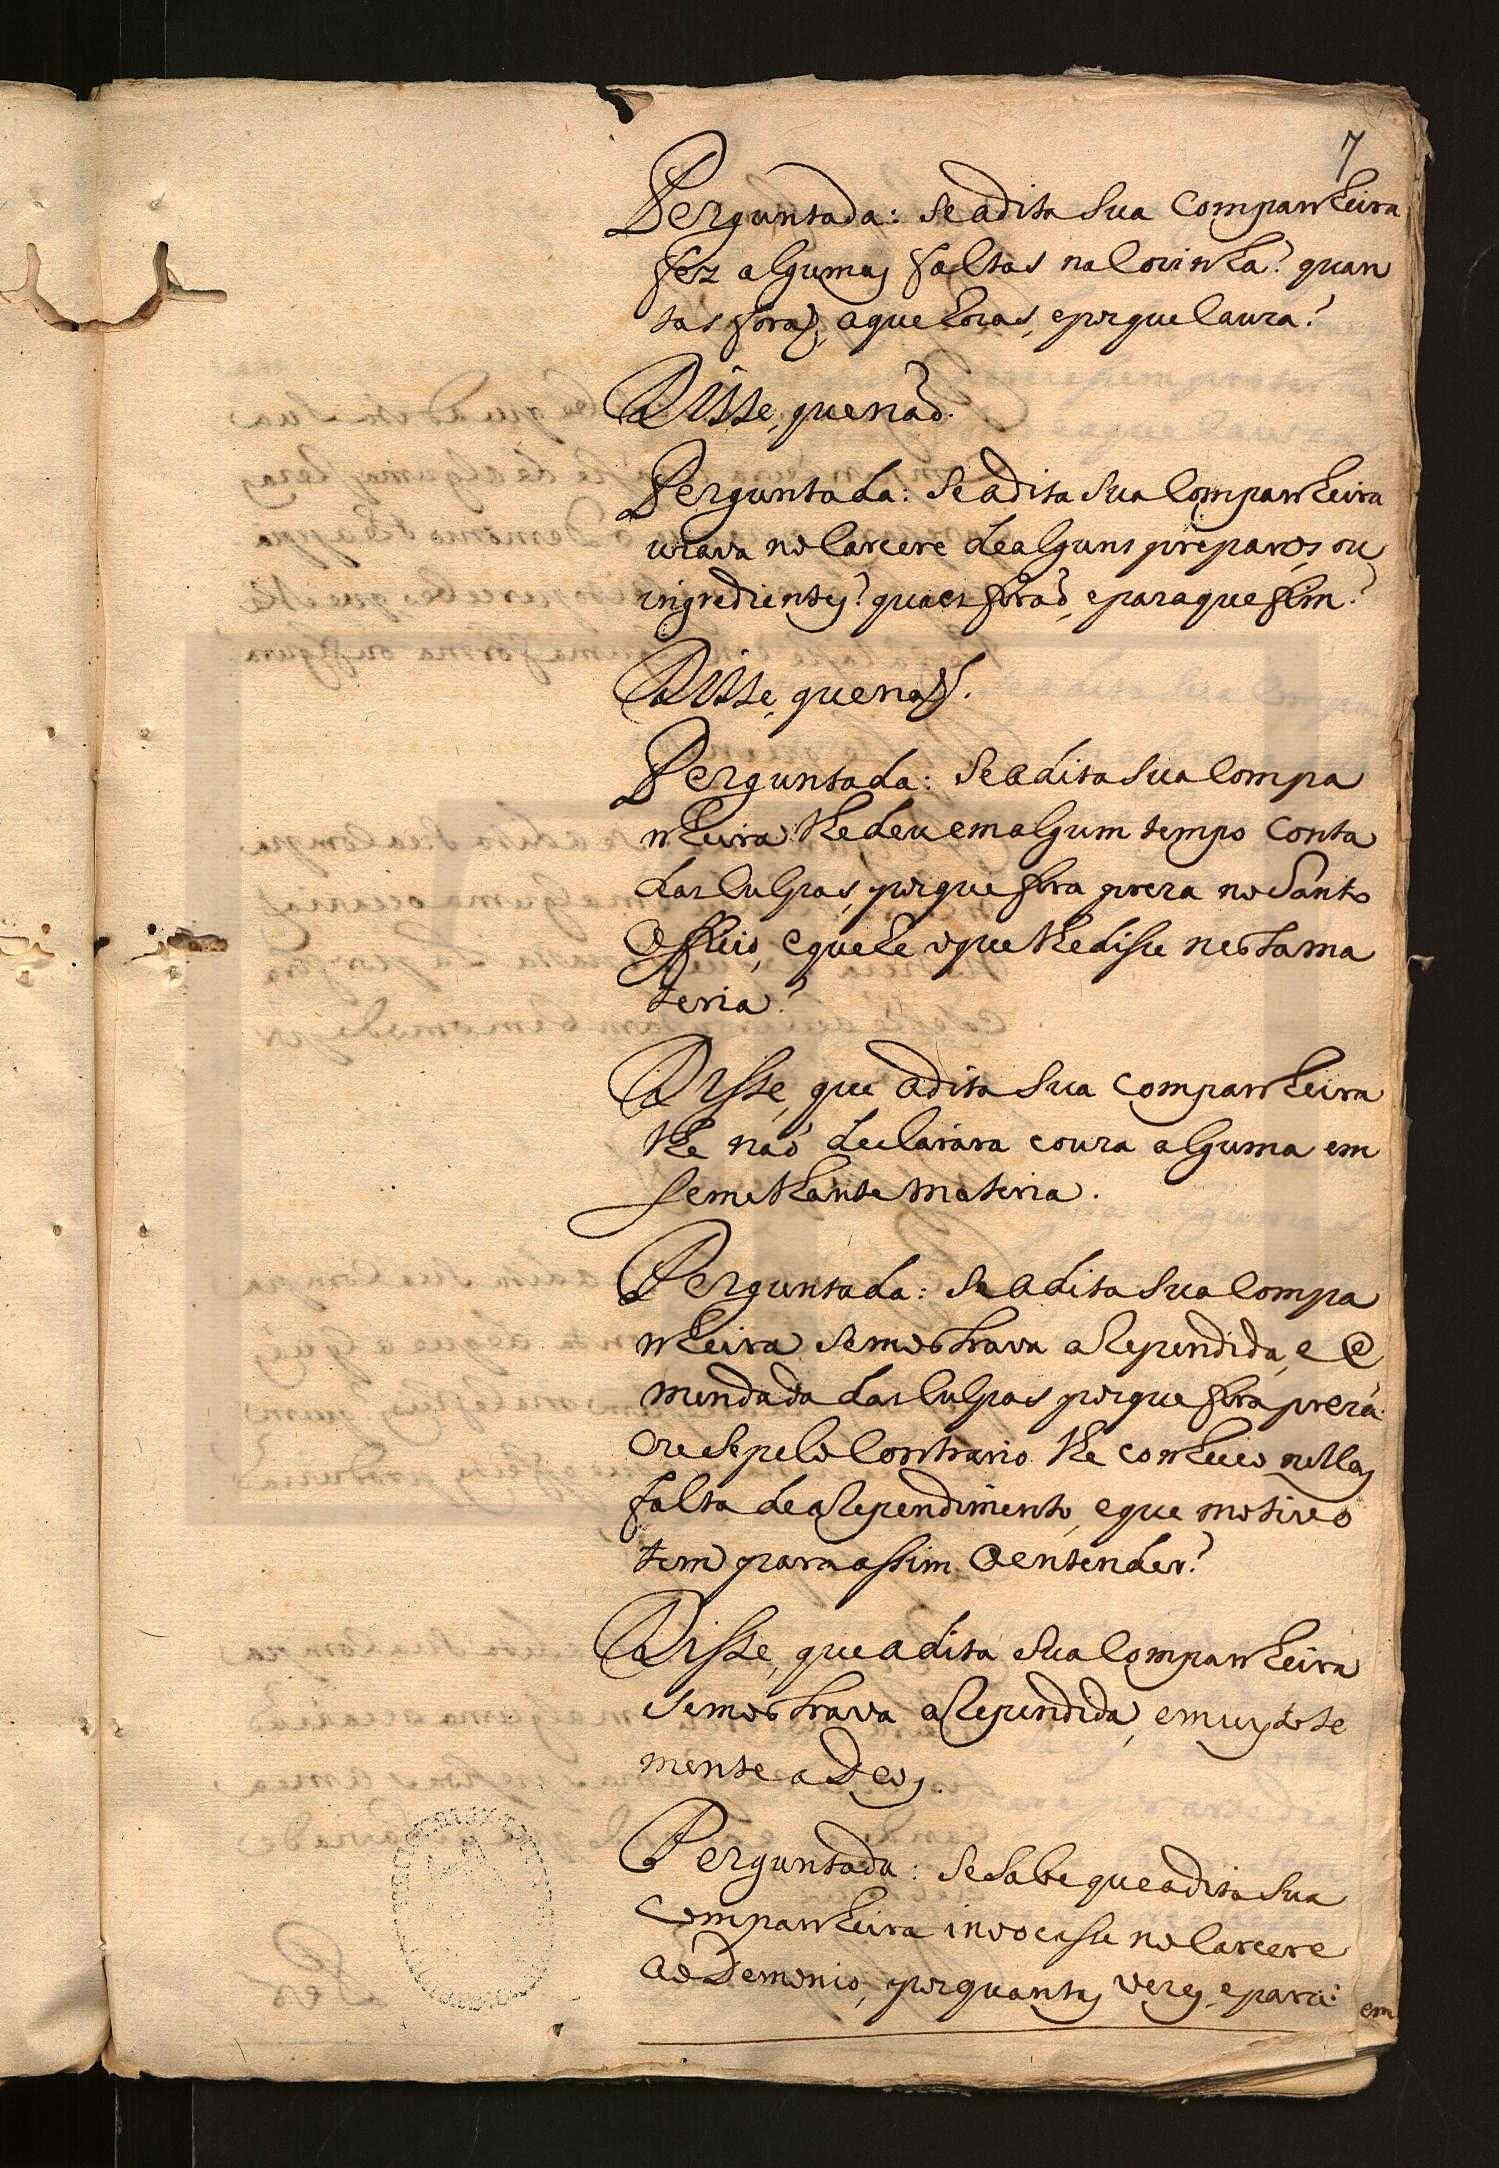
Perguntada: se a dita sua companheira
fez algumas faltas na Cozinha? quan
tas foraõ, a que horas, e porque Cauza?
Disse, que naõ.
Perguntada: se a dita sua Companheira
uzava no Carcere de alguns preparos, ou
ingredientes? quaes foraõ, e para que fim?
Disse, que naõ.
Perguntada: se a dita sua compa
nheira lhe deu em algum tempo conta
das Culpas, porque fora preza no Santo
Officio, e que he o que lhe disse nesta ma
teria?
Disse, que a dita Sua companheira
lhe naõ declarára couza alguma em
semelhante materia.
Perguntada: se a dita sua compa
nheira se mostrava aRependida, e e
mendada das Culpas porque fora preza?
Ou se pelo Contrario lhe conheceo nellas
falta de aRependimento, e que motivo
tem para assim o entender?
Disse, que a dita Sua Companheira
se mostrava aRependida, e muyto te
mente a Deos.
Perguntada: se sabe que a dita sua
companheira invocasse no carcere
ao Demonio, e por quantas vezes e para: em
